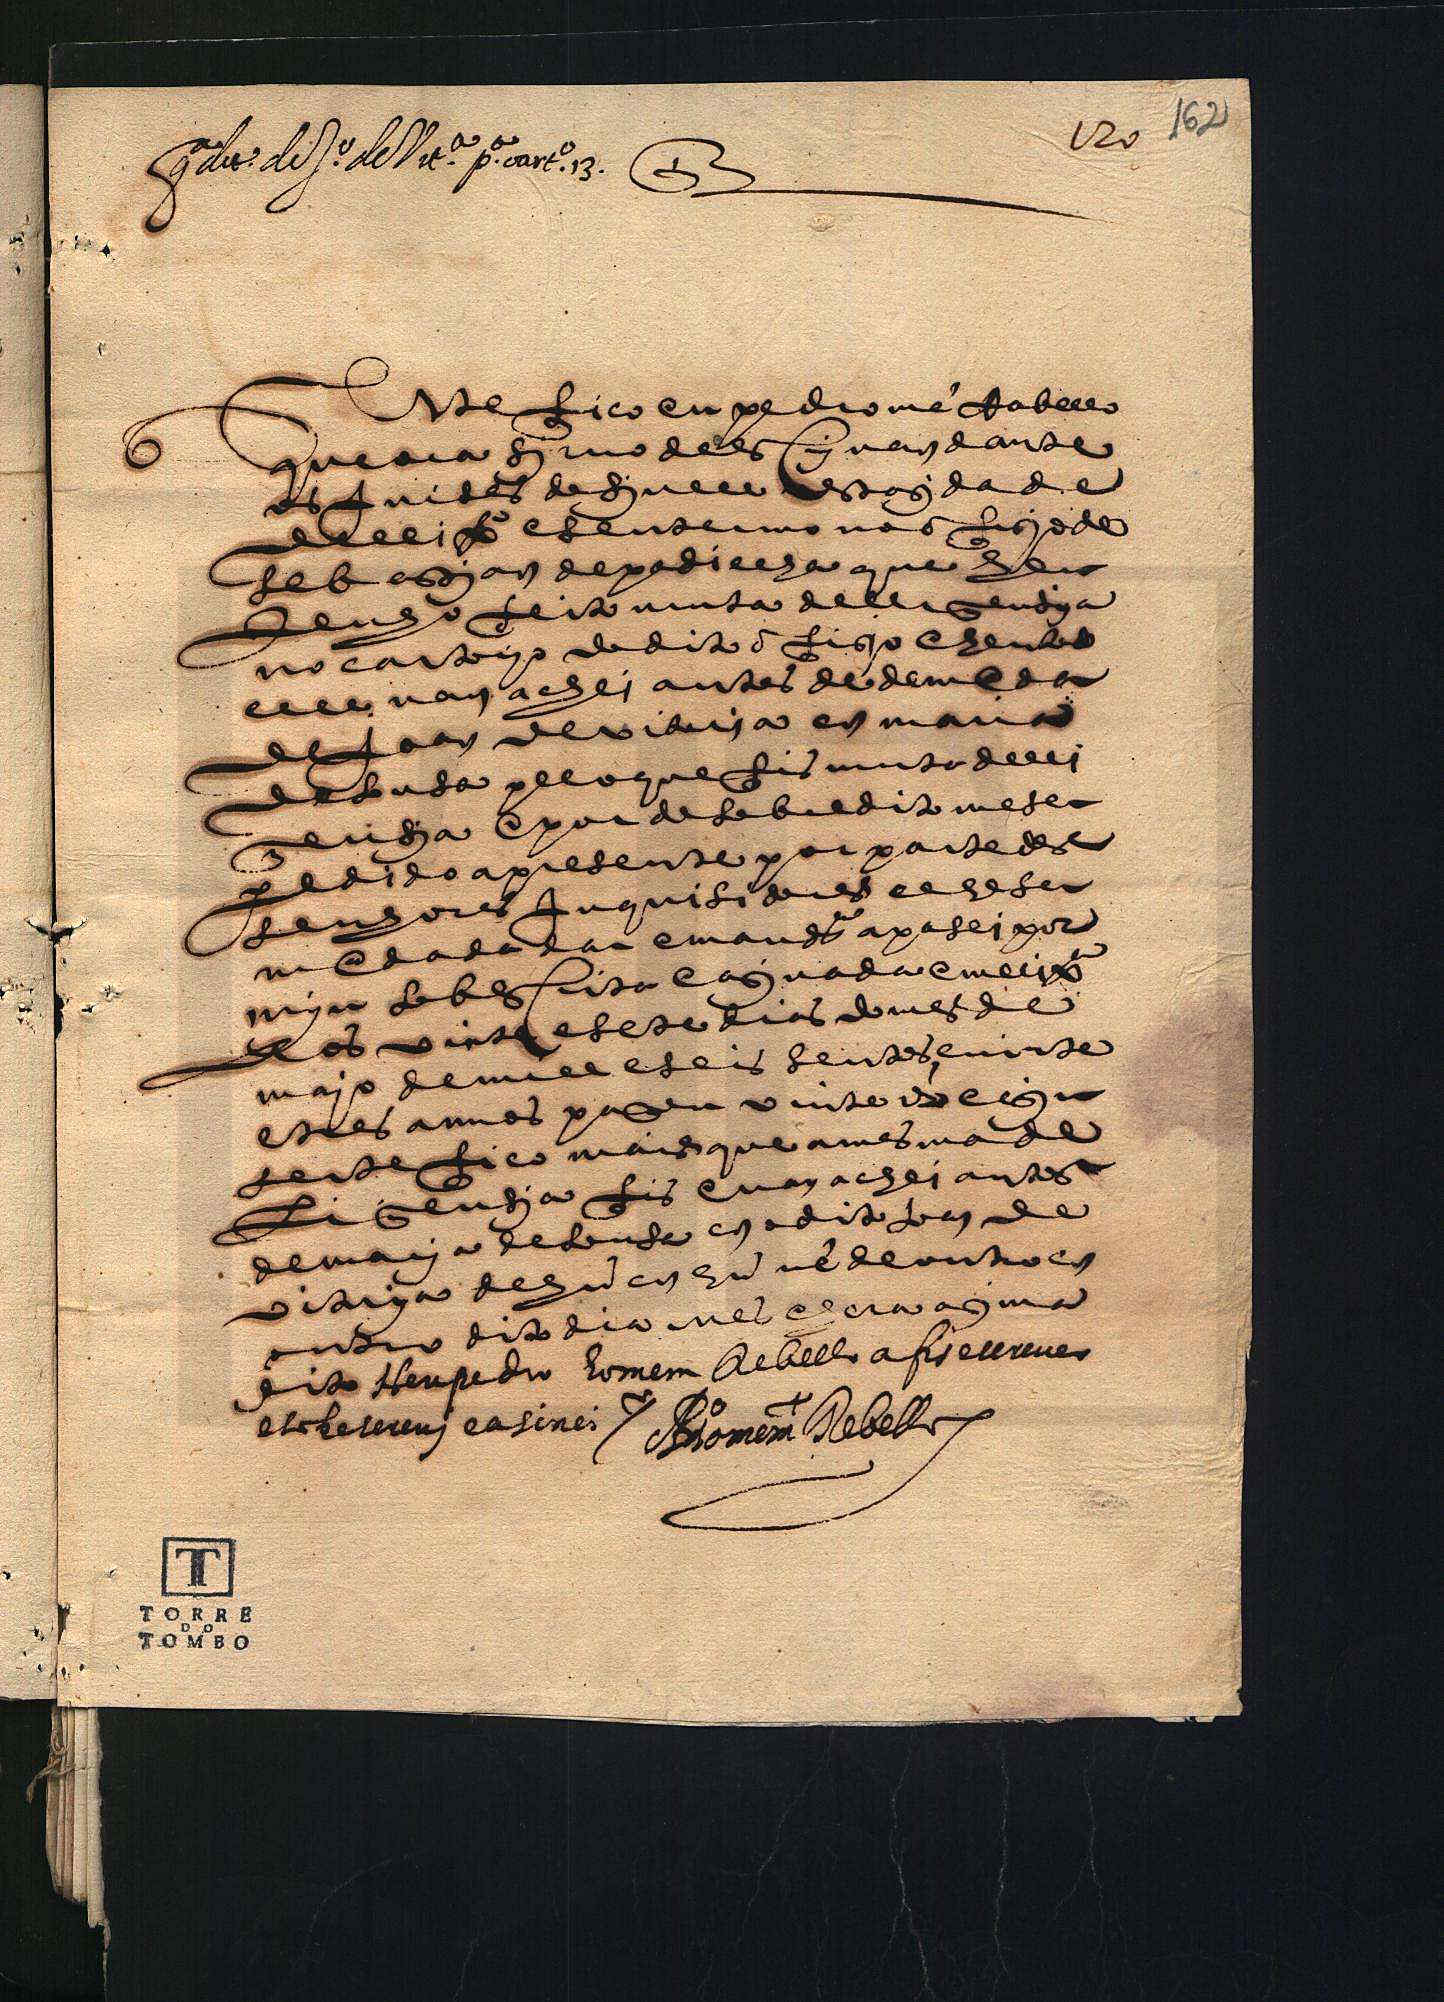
ꝯadit. de Jo de Vit.a p.a o arto. 13.
Sertefico eu pedromē Rabello
que ora sjruo de esCrjuaõ dante
os Juises do sjuell desta sjdade
de llixa e seu termo no oficjo de
sebastjaõ de padillha que hora
tenho feito muta delligensya
no cartorjo do dito ofisjo e hen todo
elle naõ achei autos de demāda
de Joaõ de vitoria cō maria
de sousa pelo que fis muta delli
gensja e por do sobredito me ser
pedido a presento por parte dos
senhores Jnquisidores he ser
mādada dar em audja a pasei por
myn sobesCrita e asjada em llixa
Aos vinte e sete dias do mes de
majo de mill e seissentos e uinte
e tres annos pagou vinto rs̄ e esjn
sertefico mais que a mesma de
Ligensja fis e naõ achei autos
de marja de sousa cō o dito Joaõs de
vitorya de hū cō hū nē de outro cō
outro dito dia mes e hera asjma
dito Heu pedro homem Rebello a fis escreuer
e sobescreuj e asinei
